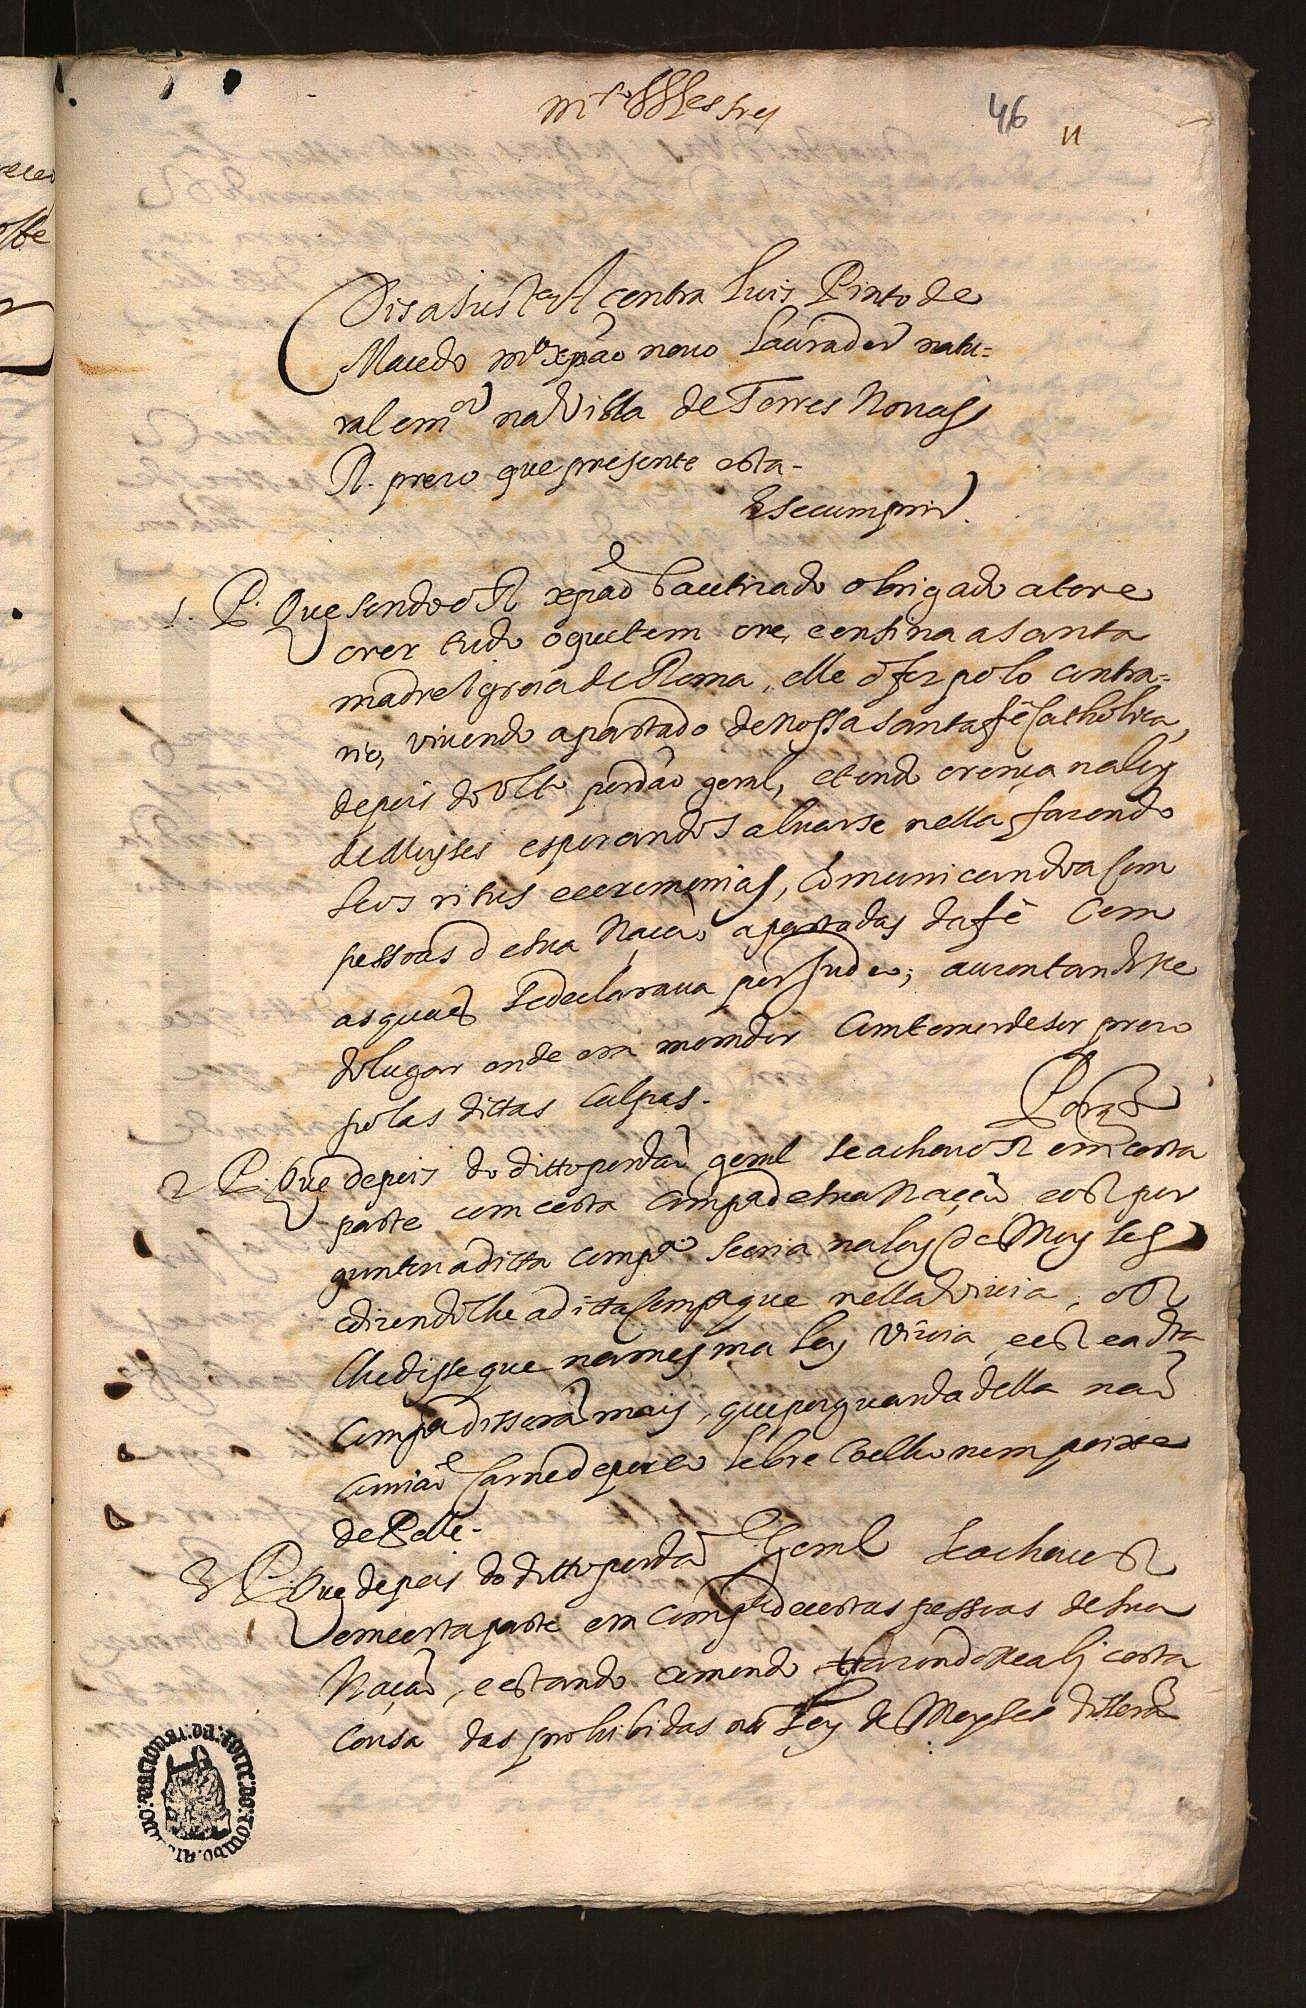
mto Illes sres
Dis a Iusta A contra Luis Pinto de
Macedo mo xpaõ nouo Laurador natu
ral e mor na Villa de Torres nouas
R. prezo que presente esta
E se cumprir.
1. P. Que sendo o R xpaõ bautizado obrigado a ter e
crer tudo o que tem cre, e ensina a santa
madre Igreia de Roma, elle o fez polo contra
rio, viuendo apartado de nossa santa fé Catholica
depois do vlto perdaõ geral, e tendo crença na ley
de Moyses, esperando saluarse nella fazendo
seos ritus e ceremonias, cōmunicandoa Com
pessoas de sua naçaõ apartadas da fé com
as quaes se declaraua por Judeo; auzentandosse
do lugar onde era morador com temor de ser prezo
polas dittas culpas.
Porq̄
2 P. Que depois do ditto perdaõ geral se achou o R em certa
parte com certa compa de sua naçaõ e o R per
guntou a ditta compa se cria na ley de Moyses
e dizendolhe a ditta Compa que nella Viuia, o R
lhe disse que na mesma Ley viuia, e o R e a dta
compa disseraõ mais, que por guarda della naõ
comiaõ Carne de porco lebre Coelho nem peixe
de Pelle.
3 P. Que depois do ditto perdaõ Geral se achaua R
em certa parte em compa de certas pessoas de sua
Naçaõ, e estando comendo fazendosse alj certa
cousa das prohibidas na Ley de Moyses disseraõ
